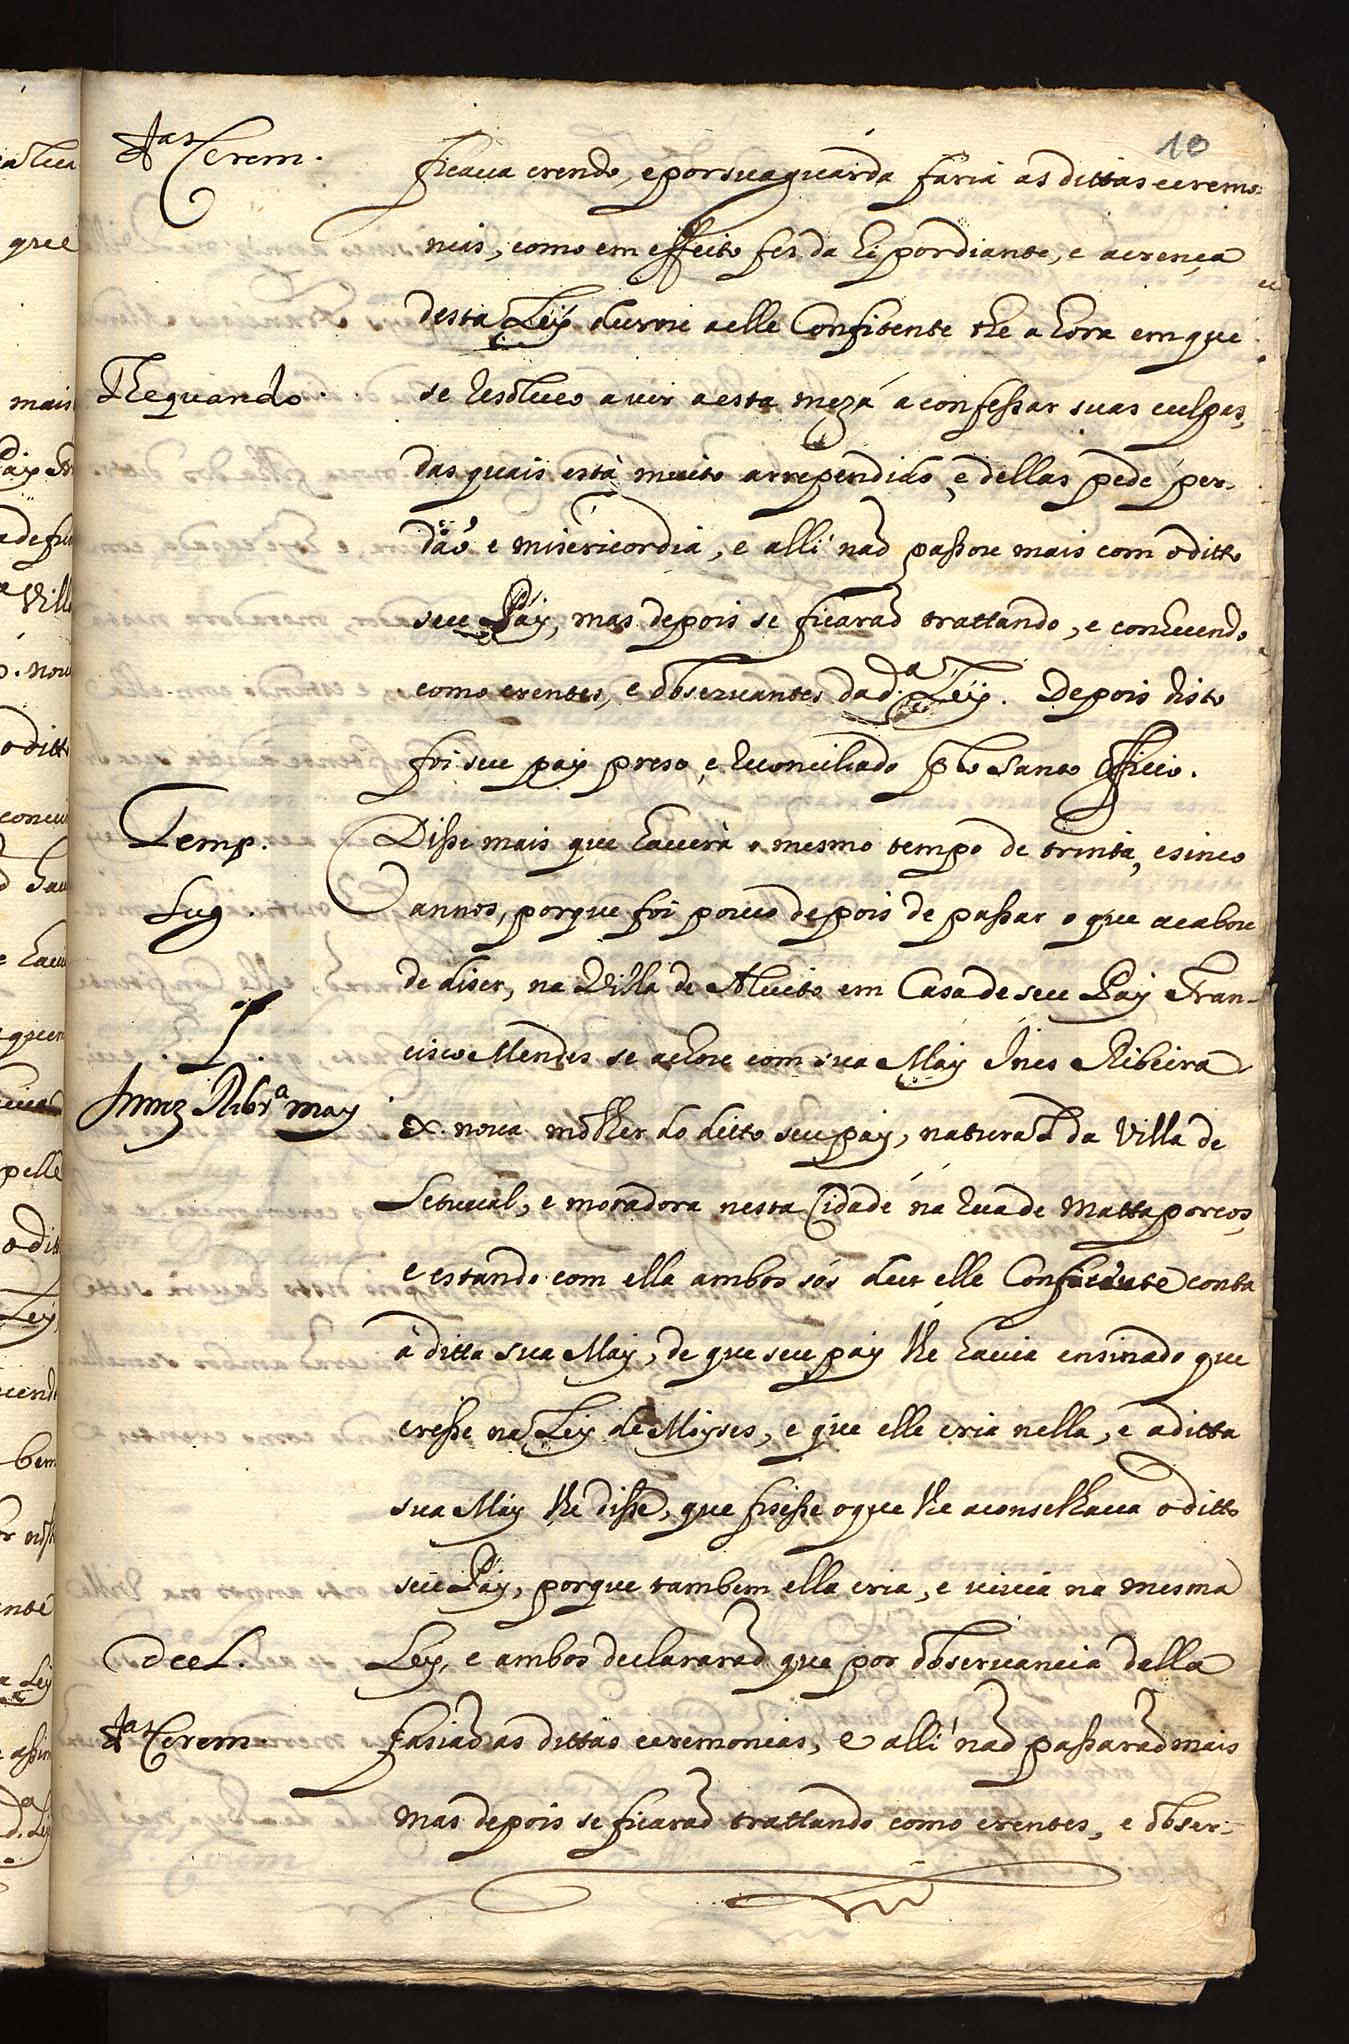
ficaua crendo, e por sua guarda as dittas ceremo
nias, como em effeito fes dahi por diante, e a crença
desta Ley durou a elle Confitente the a hora em que
se Resolueo a uir a esta meza a confessar suas culpas,
das quais està muito arrependido, e dellas pede per
daõ e misericordia, e alli naõ passou mais com o ditto
seu Pay, mas depois se ficaraõ trattando, e conhecendo
como crentes, e obseruantes da d.a Ley. Depois disto
foi seu pay preso, e Reconciliado p̄lo santo officio.
Disse mais que hauerà o mesmo tempo de trinta, e sinco
annos, porque foi pouco depois de passar o que acabou
de diser, na Villa de Aluito em Casa de seu Pay Fran
cisco Mendes se achou com sua May Ines Ribeira
x. noua molher do ditto seu pay, natural da Villa de
Setuual, e moradora nesta Cidade na Rua de matta porcos,
e estando com ella ambos sós deu elle Confitente conta
à ditta sua May, de que seu pay lhe hauia ensinado que
cresse na Ley de Moyses, e que elle cria nella, e a ditta
sua May lhe disse, que fisesse o que lhe aconselhaua o ditto
seu Pay, porque tambem ella cria, e uiuia na mesma
Ley, e ambos declararaõ que por obseruancia della
fasiaõ as dittas ceremonias, e alli naõ passaraõ mais
mas depois se ficaraõ trattando como crentes, e obser
